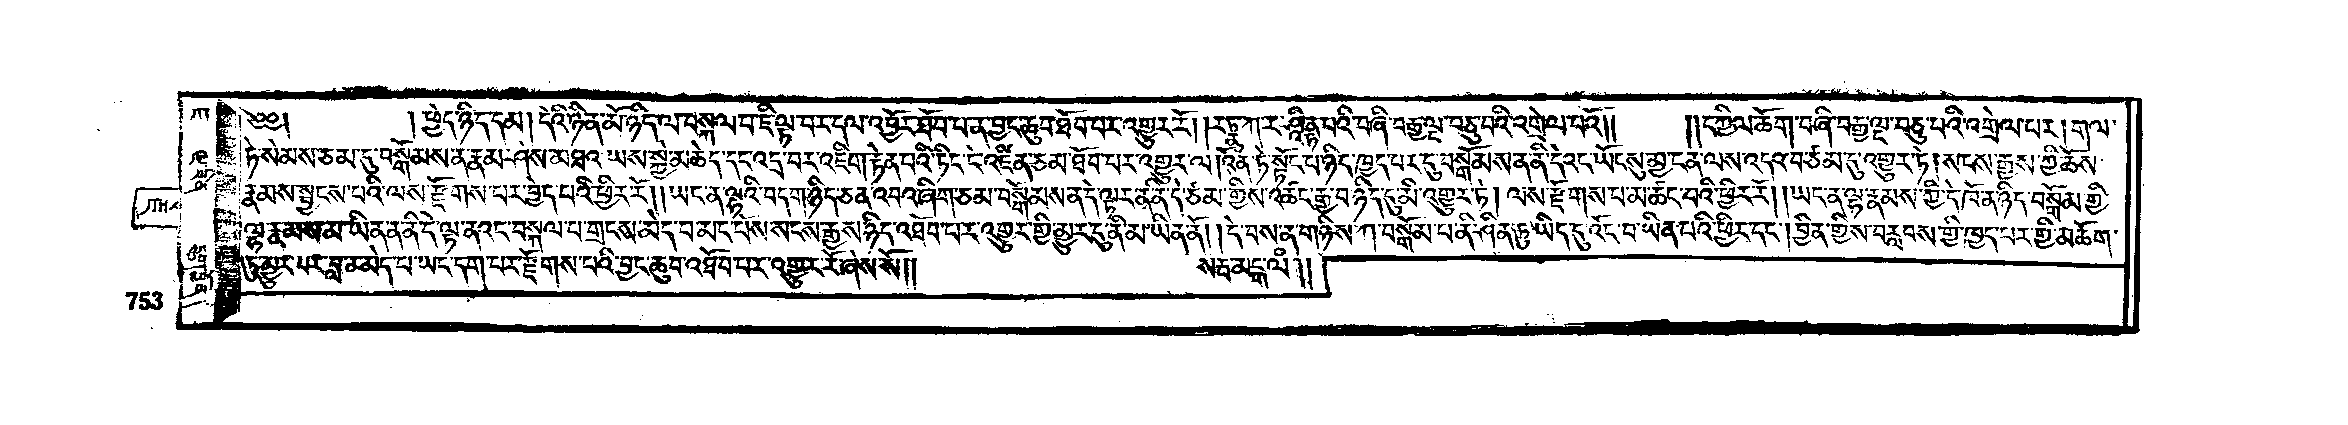༄༅། །ཕྱེད་ཉིད་དམ། དེའི་ཉིན་མོ་ཉིད་ལ་བསྐལ་པ་ཇི་ལྟ་བར་དལ་འབྱོར་ཐོབ་པ་ན་བྱང་ཆུབ་ཐོབ་པར་འགྱུར་རོ། །རཏྣཱ་ཀ་ར་ཤཱནྟི་པའི་བཞི་བརྒྱ་ལྔ་བཅུ་པའི་འགྲེལ་པའོ།། །།དཀྱིལ་ཆོག་བཞི་བརྒྱ་ལྔ་བཅུ་པའི་འགྲེལ་པར། གལ་
ཏེ་སེམས་ཙམ་དུ་བསྒོམས་ན་རྣམ་ཤེས་མཐའ་ཡས་སྐྱེ་མཆེད་དང་འདྲ་བར་འཇིག་རྟེན་པའི་ཏིང་ངེ་འཛིན་ཙམ་ཐོབ་པར་འགྱུར་ལ། འོན་ཏེ་སྟོང་པ་ཉིད་ཁྱད་པར་དུ་བསྒོམས་ན་ནི་དེའང་ཡོངས་སུ་མྱ་ངན་ལས་འདའ་བ་ཙམ་དུ་འགྱུར་ཏེ། སངས་རྒྱས་ཀྱི་ཆོས་
རྣམས་སྦྱངས་པའི་ལས་རྫོགས་པར་བྱེད་པའི་ཕྱིར་རོ། །ཡང་ན་ལྷའི་བདག་ཉིད་ཅན་འབའ་ཞིག་ཙམ་བསྒོམས་ན་དེ་ལྟར་ན་ནི་དེ་ཙམ་གྱིས་འཚང་རྒྱ་བ་ཉིད་དུ་མི་འགྱུར་ཏེ། ལས་རྫོགས་པ་མ་ཚང་བའི་ཕྱིར་རོ། །ཡང་ན་ལྷ་རྣམས་ཀྱི་དེ་ཁོ་ན་ཉིད་བསྒོམ་གྱི་
ལྷ་རྣམས་མ་ཡིན་ན་ནི་དེ་ལྟ་ནའང་བསྐལ་པ་གྲངས་མེད་པ་མང་པོས་སངས་རྒྱས་ཉིད་འཐོབ་པར་འགྱུར་གྱི་མྱུར་དུ་ནི་མ་ཡིན་ནོ། །དེ་བས་ན་གཉིས་ཀ་བསྒོམ་པ་ནི་ཤིན་ཏུ་ཡིད་དུ་འོང་བ་ཡིན་པའི་ཕྱིར་དང་། བྱིན་གྱིས་བརླབས་གྱི་ཁྱད་པར་གྱི་མཆོག་
ཏུ་མྱུར་བར་བླ་ན་མེད་པ་ཡང་དག་པར་རྫོགས་པའི་བྱང་ཆུབ་འཐོབ་པར་འགྱུར་རོ་ཞེས་སོ།། སརྦ་མངྒ་ལཾ།